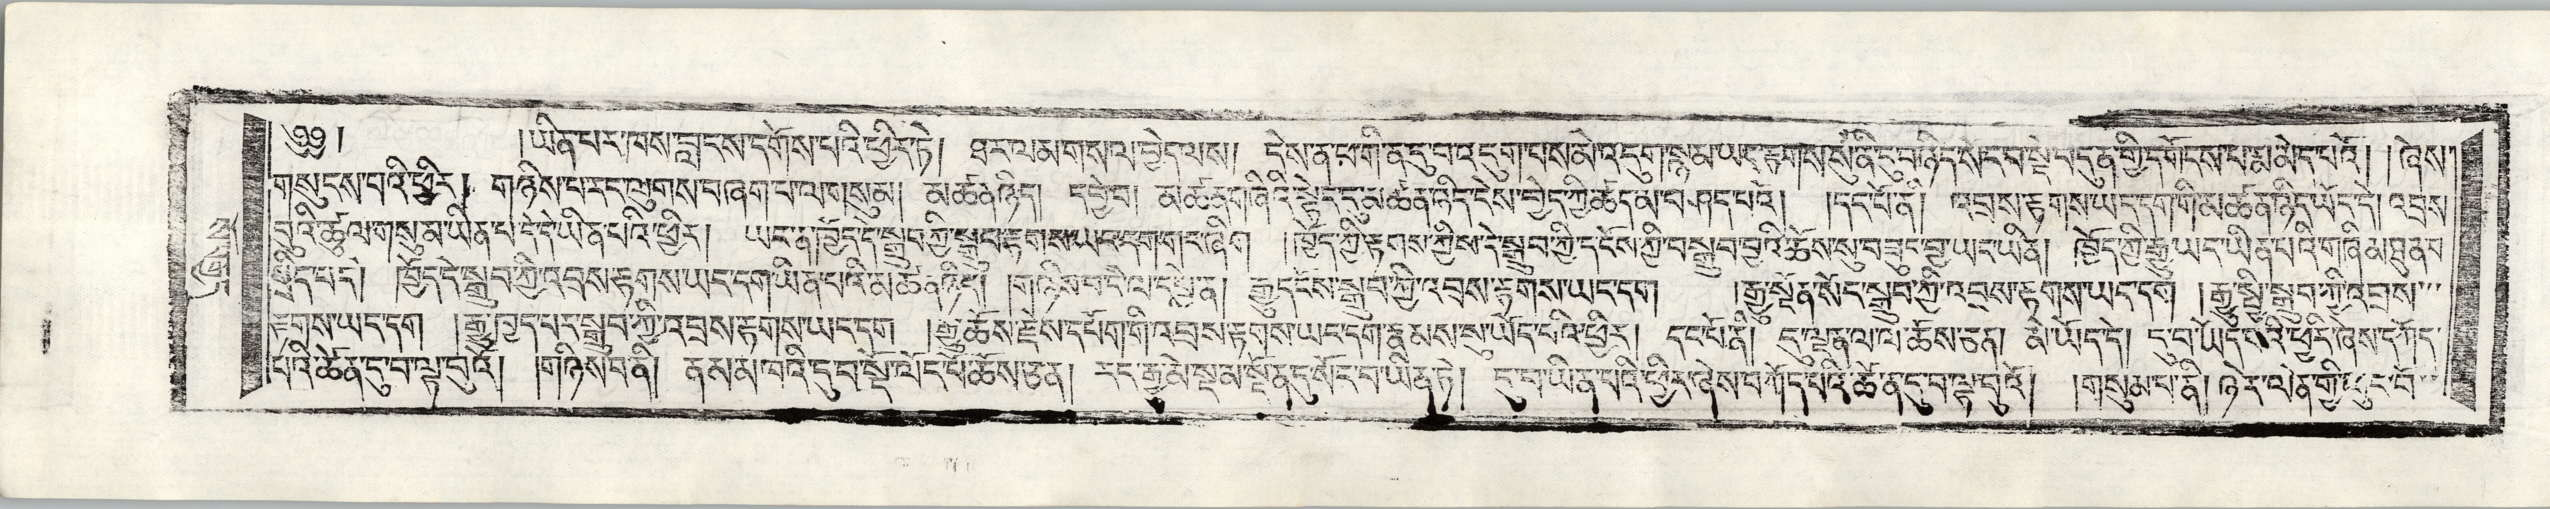༄༅། །ཡིན་པར་ཁས་ལེན་དགོས་པའི་ཕྱིར་ཏེ། ཐར་ལམ་གསལ་བྱེད་ལས། དེས་ན་ཕ་གི་ན་དུ་བ་འདུག་པས་མེ་འདུག་སྙམ་ཡང་རྟགས་སུ་ནི་དུ་བ་ཉིད་སོང་བ་སྡེ་བདུན་གྱི་དགོངས་པ་རྨ་མེད་པའོ། །ཞེས་
གསུངས་པའི་ཕྱིར། གཉིས་པ་རང་ལུགས་བཞག་པ་ལ་གསུམ། མཚན་ཉིད། དབྱེ་བ། མཚན་གཞིའི་སྟེང་དུ་མཚན་ཉིད་ངེས་བྱེད་ཀྱི་ཚད་མ་བཤད་པའོ། །དང་པོ་ནི། འབྲས་རྟགས་ཡང་དག་གི་མཚན་ཉིད་ཡོད་དེ། འབྲས་
བུའི་ཚུལ་གསུམ་ཡིན་པ་དེ་དེ་ཡིན་པའི་ཕྱིར། ཡང་ན་ཁྱོད་དེ་སྒྲུབ་ཀྱི་སྒྲུབ་རྟགས་ཡང་དག་གང་ཞིག །ཁྱོད་ཀྱི་རྟགས་ཀྱིས་དེ་སྒྲུབ་ཀྱི་དངོས་ཀྱི་བསྒྲུབ་བྱའི་ཆོས་སུ་བཟུང་བྱ་ཡང་ཡིན། ཁྱོད་ཀྱི་རྒྱུ་ཡང་ཡིན་པའི་གཞི་མཐུན་པ་
སྲིད་པ་དེ། ཁྱོད?་དེ་སྒྲུབ་ཀྱི་འབྲས་རྟགས་ཡང་དག་ཡིན་པའི་མཚན་ཉིད། །གཉིས་པ་དེ་ལ་དབྱེ་ན། རྒྱུ་དངོས་སྒྲུབ་ཀྱི་འབྲས་རྟགས་ཡང་དག །རྒྱུ་སྔོན་སོང་སྒྲུབ་ཀྱི་འབྲས་རྟགས་ཡང་དག །རྒྱུ་སྤྱི་སྒྲུབ་ཀྱི་འབྲས་
རྟགས་ཡང་དག །རྒྱུ་ཁྱད་པར་སྒྲུབ་ཀྱི་འབྲས་རྟགས་ཡང་དག །རྒྱུ་ཆོས་རྗེས་དཔོག་གི་འབྲས་རྟགས་ཡང་དག་རྣམས་སུ་ཡོད་པའི་ཕྱིར། དང་པོ་ནི། དུ་ལྡན་ལ་ལ་ཆོས་ཅན། མེ་ཡོད་དེ། དུ་བ་ཡོད་པའི་ཕྱིར་ཞེས་བཀོད་
པའི་ཚེ་ན་དུ་བ་ལྟ་བུའོ། །གཉིས་པ་ནི། ནམ་མཁའི་དུ་བ་སྡོ་ལོང་བོ་ཆོས་ཅན། རང་རྒྱུ་མེ་སྔ་མ་སྔོན་དུ་སོང་བ་ཡིན་ཏེ། དུ་བ་ཡིན་པའི་ཕྱིར་ཞེས་བཀོད་པའི་ཚེ་ན་དུ་བ་ལྟ་བུའོ། །གསུམ་བ་ནི། ཉེར་ལེན་གྱི་ཕུང་པོ་